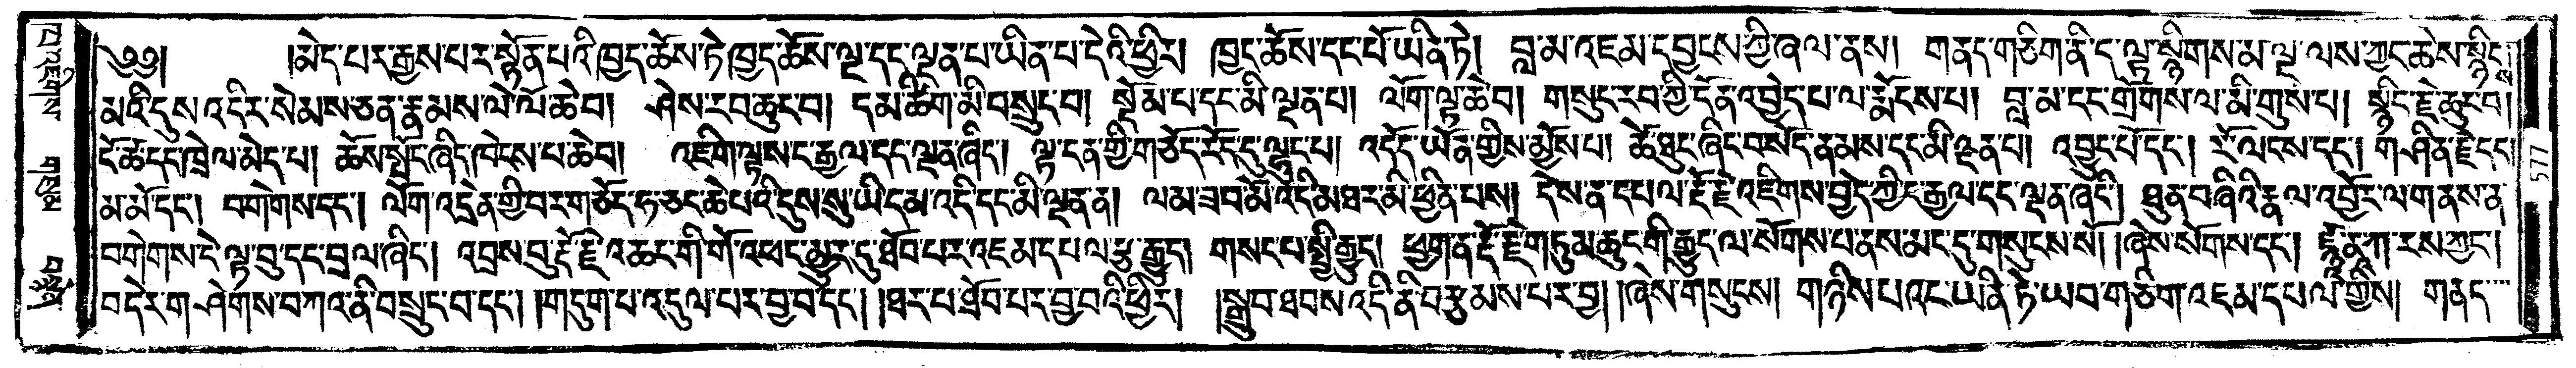༄༅། །མེད་པར་རྒྱས་པར་སྟོན་པའི་ཁྱད་ཆོས་ཏེ་ཁྱད་ཆོས་ལྔ་དང་ལྡན་པ་ཡིན་པ་དེའི་ཕྱིར། ཁྱད་ཆོས་དང་པོ་ཡིན་ཏེ། བླ་མ་འཇམ་དབྱངས་ཀྱི་ཞལ་ནས། གནད་གཅིག་ནི་ད་ལྟ་སྙིགས་མ་ལྔ་ལས་ཀྱང་ཆེས་སྙིངས་
མའི་དུས་འདིར་སེམས་ཅན་རྣམས་ལེ་ལོ་ཆེ་བ། ཤེས་རབ་ཆུང་བ། དམ་ཚིག་མི་བསྲུང་བ། སྡོམ་པ་དང་མི་ལྡན་པ། ལོག་ལྟ་ཆེ་བ། གསུང་རབ་ཀྱི་དོན་འབྱེད་པ་ལ་རྨོངས་པ། བླ་མ་དང་གྲོགས་ལ་མི་གུས་པ། སྙིང་རྗེ་ཆུང་བ།
ངོ་ཚ་དང་ཁྲེལ་མེད་པ། ཆོས་སྤོང་ཞིང་ཁེངས་པ་ཆེ་བ། འཇིག་ལྟས་ང་རྒྱལ་དང་ལྡན་ཞིང་། ལྟ་ངན་གྱི་གཅོད་རོང་དུ་ལྷུང་པ། འདོད་ཡོན་གྱིས་མྱོས་པ། ཚེ་ཐུང་ཞིང་བསོད་ནམས་དང་མི་ལྡན་པ། འབྱུང་པོ་དང་། རོ་ལངས་དང་། གཤིན་རྗེ་དང་།
མ་མོ་དང་། བགེགས་དང་། ལོག་འདྲེན་གྱི་བར་གཅོད་ཧ་ཅང་ཆེ་པའི་དུས་སུ་ཡི་དམ་འདི་དང་མི་ལྡན་ན། ལམ་ཟབ་མོ་འདི་མཐར་མི་ཕྱིན་པས། དེས་ན་དཔལ་རྡོ་རྗེ་འཇིགས་བྱེད་ཀྱི་ང་རྒྱལ་དང་ལྡན་ཞིང་། ཐུན་བཞིའི་རྣལ་འབྱོར་ལ་གནས་ན་
བགེགས་དེ་ལྟ་བུ་དང་བྲལ་ཞིང་། འབྲས་བུ་རྡོ་རྗེ་འཆང་གི་གོ་འཕང་མྱུར་དུ་ཐོབ་པར་འཇམ་དཔལ་རྩ་རྒྱུད། གསང་པ་སྤྱི་རྒྱུད། ཕྱག་ན་རྡོ་རྗེ་གཏུམ་ཆུང་གི་རྒྱུད་ལ་སོགས་པ་ནས་མང་དུ་གསུངས་སོ། །ཞེས་སོགས་དང་། ཛྙཱ་ནཱ་ཀ་རས་ཀྱང་།
བདེར་གཤེགས་བཀའ་ནི་བསྲུང་བ་དང་། །གདུག་པ་འདུལ་པར་བྱ་བ་དང་། །ཐར་པ་ཐོབ་པར་བྱ་བའི་ཕྱིར། །སྒྲུབ་ཐབས་འདི་ནི་བརྩམས་པར་བྱ། །ཞེས་གསུངས། གཉིས་པའང་ཡིན་ཏེ་ཡབ་གཅིག་འཇམ་དཔལ་གྱིས། གནད་